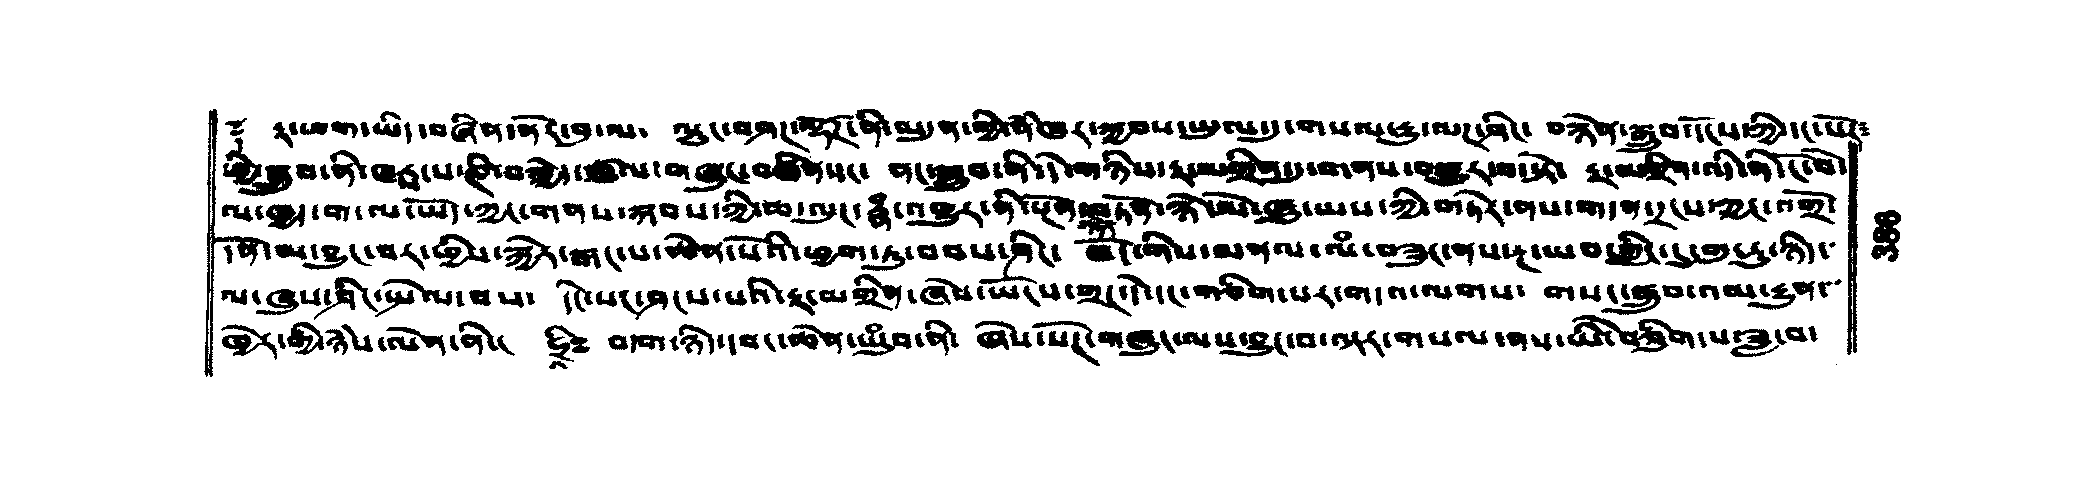༈ རྟ་ཕག་ཡིད་བཞིན་ནོར་བུ་ལ། །ལྟུང་བཤགས་ལྷ་ཚོགས་ནི་མདུན་གྱི་ནམ་མཁར་སྐྱབས་ཡུལ་དུ་གསལ་རྒྱུ་ལགས་ཤིང་། བསྙེན་སྒྲུབ་དངོས་ཀྱི་དང་པོར་
ཕྱི་སྒྲུབ་ནི་ཁརྶ་པ་ཎི་བསྐྱེད་ཚུལ་གཞུང་བཞིན་དང་། ནང་སྒྲུབ་ནི་དེ་གཉིས་རྟ་མགྲིན་དུ་གནས་བསྒྱུར་བ་སྟེ། རྟ་མགིན་འདི་ནི་ངོ་བོ་
ལ་ཁྱད་ག་ལ་ཡོད་ཀྱང་གནས་སྐབས་ཀྱི་ཆ་ལུགས་རྣམ་འགྱུར་ནི་སྔོན་གཏེར་བཏོན་སྙེ་མོ་ཞུ་ཡས་ཀྱི་གཏེར་ནས་གདན་དྲངས་ཀྱང་འགྲོ་
དོན་མ་བྱུང་བར་ཕྱིས་སྐྱེར་སྒངཔ་ཆེན་པོའི་ཕྱག་ཏུ་བབས་ཤིང་། ཁོང་གིས་མནལ་ལམ་བཟུང་ནས་རྔ་ཡབ་གླིང་དུ་གུ་རུ་ཉིད་
ལ་ཞུས་ཤིང་སྤེལ་བས། དིང་སང་ཤངས་པའི་རྟ་མགྲིན་ཞེས་ཡོངས་གྲགས་དེ་དང་གཅིག་པར་གདའ་ལགས། གསང་སྒྲུབ་བམ་རྒྱུན་
ཁྱེར་གྱི་ཉམས་ལེན་ནི། ཧྲཱིཿ བདག་ཉིད་དབང་ཆེན་ཡབ་ཡུམ་ནི། །ཞེས་སོགས་གཞུག་ལས་བྱུང་བ་ལྟར་གསལ་ནས་ཡི་གེ་བཅུ་གཅིག་པ་བཟླ་བ་